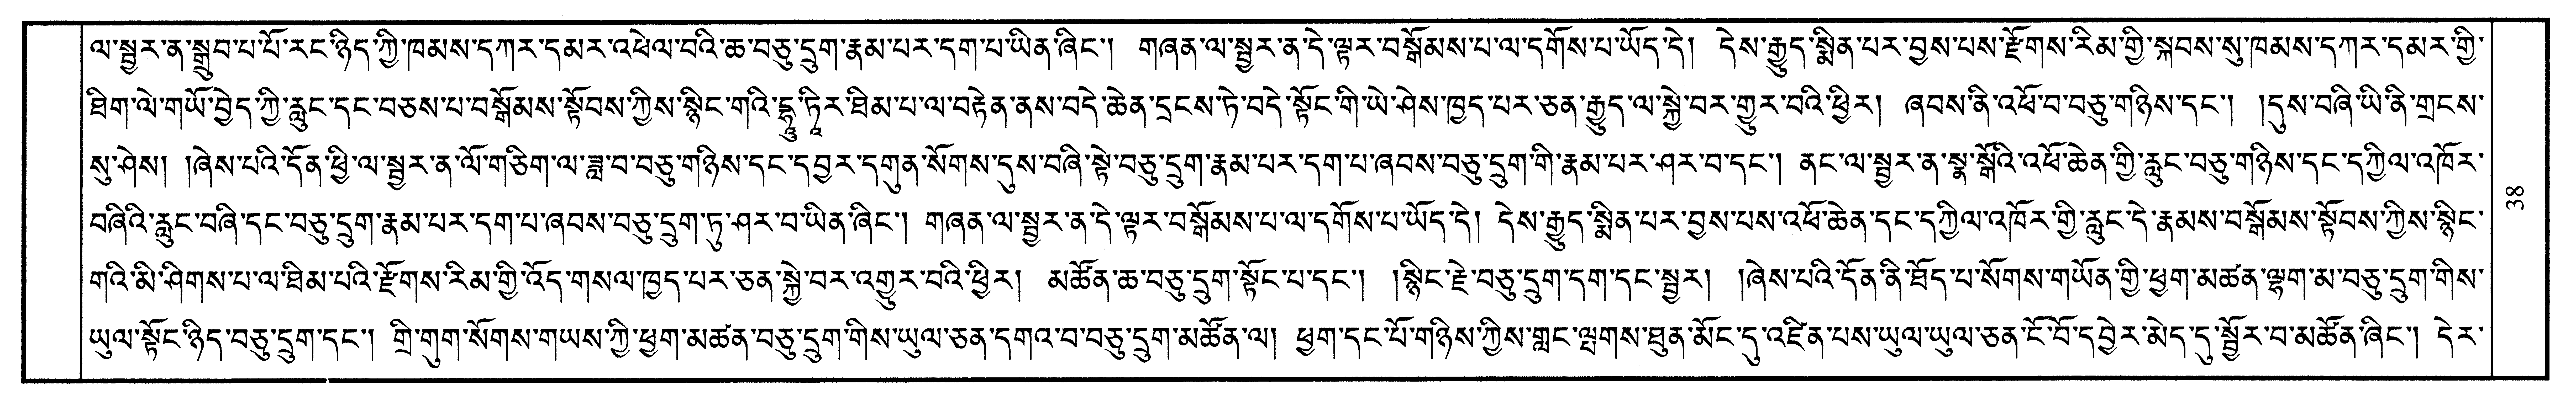ལ་སྦྱར་ན་སྒྲུབ་པ་པོ་རང་ཉིད་ཀྱི་ཁམས་དཀར་དམར་འཕེལ་བའི་ཆ་བཅུ་དྲུག་རྣམ་པར་དག་པ་ཡིན་ཞིང་། གཞན་ལ་སྦྱར་ན་དེ་ལྟར་བསྒོམས་པ་ལ་དགོས་པ་ཡོད་དེ། དེས་རྒྱུད་སྨིན་པར་བྱས་པས་རྫོགས་རིམ་གྱི་སྐབས་སུ་ཁམས་དཀར་དམར་གྱི་
ཐིག་ལེ་གཡོ་བྱེད་ཀྱི་རླུང་དང་བཅས་པ་བསྒོམས་སྟོབས་ཀྱིས་སྙིང་གའི་དྷཱུ་ཏཱིར་ཐིམ་པ་ལ་བརྟེན་ནས་བདེ་ཆེན་དྲངས་ཏེ་བདེ་སྟོང་གི་ཡེ་ཤེས་ཁྱད་པར་ཅན་རྒྱུད་ལ་སྐྱེ་བར་གྱུར་བའི་ཕྱིར། ཞབས་ནི་འཕོ་བ་བཅུ་གཉིས་དང་། །དུས་བཞི་ཡི་ནི་གྲངས་
སུ་ཤེས། །ཞེས་པའི་དོན་ཕྱི་ལ་སྦྱར་ན་ལོ་གཅིག་ལ་ཟླ་བ་བཅུ་གཉིས་དང་དབྱར་དགུན་སོགས་དུས་བཞི་སྟེ་བཅུ་དྲུག་རྣམ་པར་དག་པ་ཞབས་བཅུ་དྲུག་གི་རྣམ་པར་ཤར་བ་དང་། ནང་ལ་སྤྱར་ན་སྣ་སྒོའི་འཕོ་ཆེན་གྱི་རླུང་བཅུ་གཉིས་དང་དཀྱིལ་འཁོར་
བཞིའི་རླུང་བཞི་དང་བཅུ་དྲུག་རྣམ་པར་དག་པ་ཞབས་བཅུ་དྲུག་ཏུ་ཤར་བ་ཡིན་ཞིང་། གཞན་ལ་སྦྱར་ན་དེ་ལྟར་བསྒོམས་པ་ལ་དགོས་པ་ཡོད་དེ། དེས་རྒྱུད་སྨིན་པར་བྱས་པས་འཕོ་ཆེན་དང་དཀྱིལ་འཁོར་གྱི་རླུང་དེ་རྣམས་བསྒོམས་སྟོབས་ཀྱིས་སྙིང་
གའི་མི་ཤིགས་པ་ལ་ཐིམ་པའི་རྫོགས་རིམ་གྱི་འོད་གསལ་ཁྱད་པར་ཅན་སྐྱེ་བར་འགྱུར་བའི་ཕྱིར། མཚོན་ཆ་བཅུ་དྲུག་སྟོང་པ་དང་། །སྙིང་རྗེ་བཅུ་དྲུག་དག་དང་སྦྱར། །ཞེས་པའི་དོན་ནི་ཐོད་པ་སོགས་གཡོན་གྱི་ཕྱག་མཚན་ལྷག་མ་བཅུ་དྲུག་གིས་
ཡུལ་སྟོང་ཉིད་བཅུ་དྲུག་དང་། གྲི་གུག་སོགས་གཡས་ཀྱི་ཕྱག་མཚན་བཅུ་དྲུག་གིས་ཡུལ་ཅན་དགའ་བ་བཅུ་དྲུག་མཚོན་ལ། ཕྱག་དང་པོ་གཉིས་ཀྱིས་གླང་ལྤགས་ཐུན་མོང་དུ་འཛིན་པས་ཡུལ་ཡུལ་ཅན་ངོ་བོ་དབྱེར་མེད་དུ་སྦྱོར་བ་མཚོན་ཞིང་། དེར་